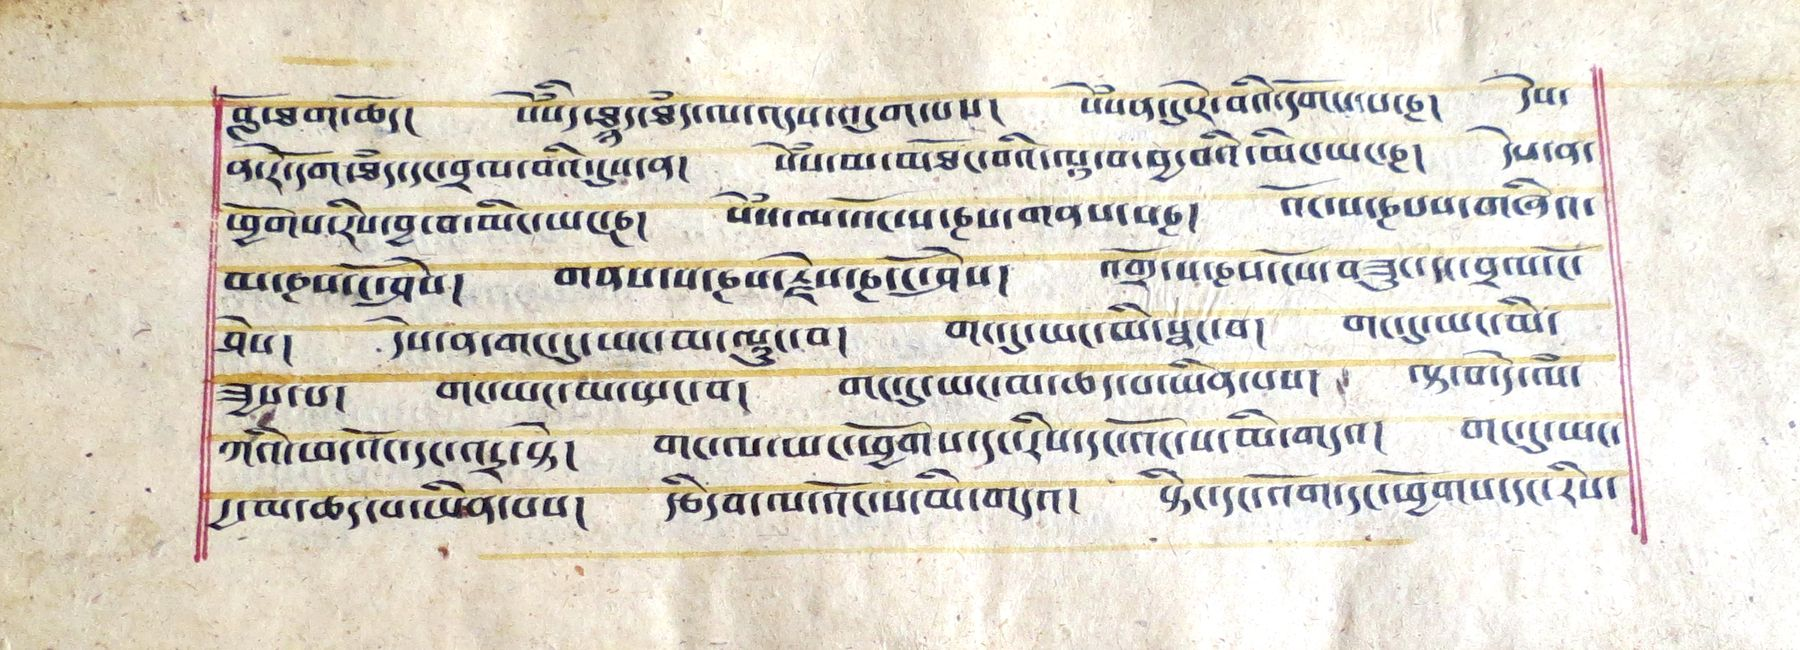པས་བློ་ཐག་ཆོད། སེམས་ཉིད་ཐ་སྙད་ཐམས་ཅད་ལས་འདས་པ་ཞིག་འདུག་པས། སེམས་ཅན་དུ་རེ་བའི་དོགས་པ་ཟད། དེས་
ན་རེ་དོགས་ཐམས་ཅད་དང་བྲལ་བའི་དུས་ན། སེམས་མ་མཐོང་པའི་ལྟ་བ་བྱ་བའི་མིང་ཡང་མེད། དེས་ན་
ཕྱོགས་རིས་བྱ་བའི་མིང་ཡང་མེད། སེམས་ལ་འོང་ས་མེད་པས་གནས་ས་མེད། འོང་ས་མེད་པས་གཞི་
མ་མེད་ངོ་ཤེས། གནས་ས་མེད་པས་རྗེས་མེད་ངོ་ཤེས། འགྲོ་ས་མེད་པས་ངོས་བཟུང་དང་བྲལ་ངོ་
ཤེས། དེས་ན་གང་དུ་ཡང་མ་ལྷུང་བར། གང་དུ་ཡང་མི་སྣང་བ། གང་དུ་ཡང་མི་
གཟིགས་གང་དུ་ཡང་མ་སྤངས། གང་དུ་ཡང་མ་ཆད་པ་ཡིན་པས། ལྟ་བ་དེ་ལམ་
ཁའི་ཕ་བོང་དང་འདྲ་སྟེ། གང་ལ་ཡང་ཕྱོགས་རིས་འོང་ས་མི་གདའ། གང་དུ་ཡང་
རྒྱ་མ་ཆད་པ་ཡིན་པས། བརྩི་གདབ་ལ་འོང་ས་མི་གདའ། སྟེང་དང་འོག་དང་ཕྱོགས་དང་རིས་